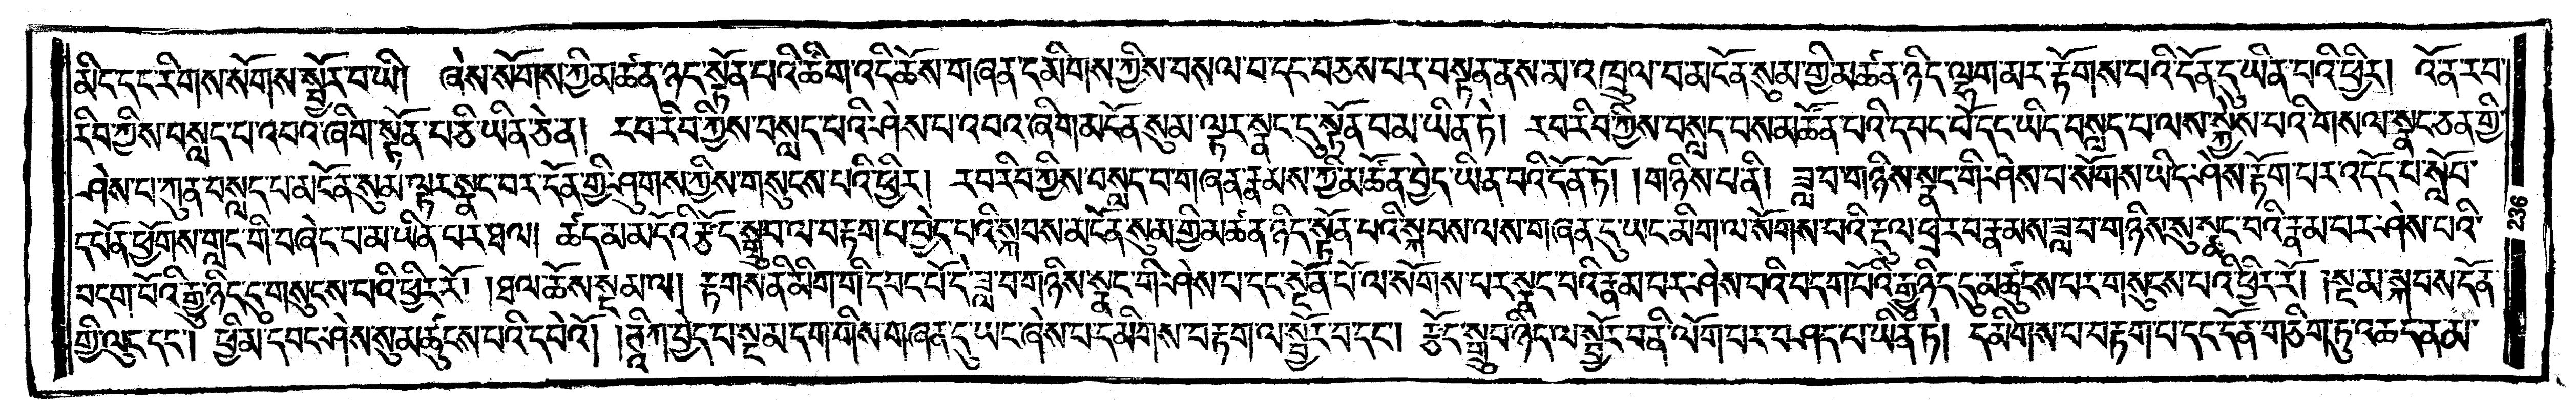མིང་དང་རིགས་སོགས་སྦྱོར་བ་ཡི། ཞེས་སོགས་ཀྱི་མཚན་ཉིད་སྟོན་པའི་ཚིག་འདི་ཆོས་གཞན་དམིགས་ཀྱིས་བསལ་བ་དང་བཅས་པར་བསྟན་ནས་མ་འཁྲུལ་བ་མངོན་སུམ་གྱི་མཚན་ཉིད་ལྷག་མར་རྟོགས་པའི་དོན་དུ་ཡིན་པའི་ཕྱིར། འོ་ན་རབ་
རིབ་ཀྱིས་བསླད་པ་འབའ་ཞིག་སྟོན་པ་ཅི་ཡིན་ཅེ་ན། རབ་རིབ་ཀྱིས་བསླད་པའི་ཤེས་པ་འབའ་ཞིག་མངོན་སུམ་ལྟར་སྣང་དུ་སྟོན་པ་མ་ཡིན་ཏེ། རབ་རིབ་ཀྱིས་བསླད་པས་མཚོན་པའི་དབང་པོ་དང་ཡིད་བསླད་པ་ལས་སྐྱེས་པའི་གསལ་སྣང་ཅན་གྱི་
ཤེས་པ་ཀུན་བསླད་པ་མངོན་སུམ་ལྟར་སྣང་བར་དོན་གྱི་ཤུགས་ཀྱིས་གསུངས་པའི་ཕྱིར། རབ་རིབ་ཀྱིས་བསླད་པ་གཞན་རྣམས་ཀྱི་མཚོན་བྱེད་ཡིན་པའི་དོན་ཏོ། །གཉིས་པ་ནི། ཟླ་བ་གཉིས་སྣང་གི་ཤེས་པ་སོགས་ཡིད་ཤེས་རྟོག་པར་འདོད་པ་སློབ་
དཔོན་ཕྱོགས་གླང་གི་བཞེང་པ་མ་ཡིན་པར་ཐལ། ཚད་མ་མདོའི་རྩོད་སྒྲུབ་ལ་བརྟག་པ་བྱེད་པའི་སྐབས་མངོན་སུམ་གྱི་མཚན་ཉིད་སྟོན་པའི་སྐབས་ལས་གཞན་དུ་ཡང་མིག་ལ་སོགས་པའི་རྡུལ་ཕྲ་རབ་རྣམས་ཟླ་བ་གཉིས་སུ་སྣང་བའི་རྣམ་པར་ཤེས་པའི་
བདག་པོའི་རྒྱུ་ཉིད་དུ་གསུངས་པའི་ཕྱིར་རོ། །ཐལ་ཆོས་སྔ་མ་ལ། རྟགས་ནི་མིག་གི་དབང་པོ་དེ་ཟླ་བ་གཉིས་སྣང་གི་ཤེས་པ་དང་སྔོན་པོ་ལ་སོགས་པར་སྣང་བའི་རྣམ་པར་ཤེས་པའི་བདག་པོའི་རྒྱུ་ཉིད་དུ་མཚུངས་པར་གསུངས་པའི་ཕྱིར་རོ། །སྔ་མ་སྐབས་དོན་
གྱི་ལུང་དང་། ཕྱི་མ་དབང་ཤེས་སུ་མཚུངས་པའི་དཔེའོ། །ཊཱིཀ་བྱེད་པ་སྔ་མ་དག་གིས་གཞན་དུ་ཡང་ཞེས་པ་དམིགས་རྟག་ལ་སྦྱོར་བ་དང་། རྩོད་སྒྲུབ་ཉིད་ལ་སྦྱོར་བ་ནི་ལོག་པར་བཤད་པ་ཡིན་ཏེ། དམིགས་པ་བརྟག་པ་དང་དོན་གཅིག་ཏུ་འཆད་ན་མ་